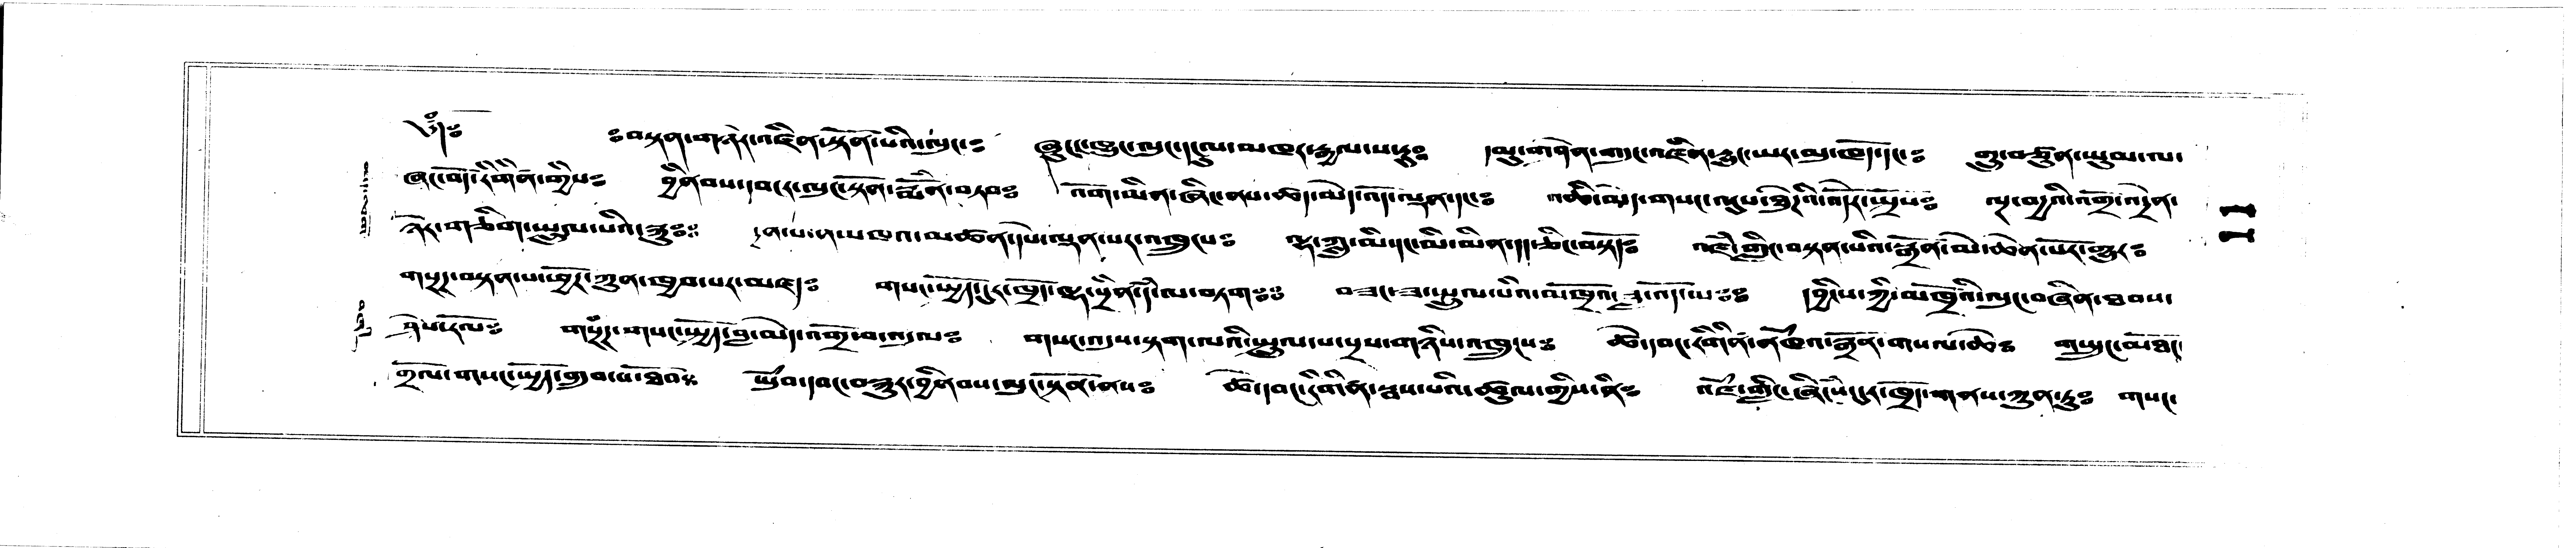བསྟན་གཉེར་འཛིན་སྟོན་པའི་ལུངཿ ཞང་ཞུང་ཁྱུང་ལུང་དངུལ་མཁར་རྒྱལ་ས་རུཿ དམུ་གཤེན་གདུང་འཛིན་རྒྱུང་ཡར་མུ་ཁོད་དངཿ བྲུ་བཙུན་ཡུམ་ལ་
ཞང་བོད་རིག་འཛིན་གྱིསཿ བྱིན་རླབས་དབང་སྐུར་ལུང་སྟོན་སྨོན་ལམ་བཏབཿ འོག་མིན་ཞིང་ནས་ཚད་མེད་འོད་ལྡན་དངཿ འཆི་མེད་གསང་འདུས་ཐུགས་རྗེའི་འོད་ཟེར་སྤྲོསཿ ལྔ་བརྒྱའི་འགྲོ་འདྲེན་
ཉེར་གཅིག་སྤྲུལ་པའི་སྐུཿ དྲན་པ་ནམ་མཁའ་མཚན་དཔེ་ལྡན་པར་འཁྲུངསཿ ལྷ་ཀླུ་མི་དང་མི་མིན་དད་ཅིང་བསྟོདཿ འཛམ་གླིང་བསྟན་པའི་སྒྲོན་མེ་ཆེན་པོར་གྱུརཿ 
གསང་སྔགས་བསྟན་པ་ཕྱོགས་ཀུན་ཁྱབ་པར་མཛདཿ གསང་སྤྱོད་དུར་ཁྲོད་ལྷ་སྲིན་དམ་ལ་བཏགསཿ བཟང་ཟ་སྤྲུལ་པའི་མཁའ་འགྲོ་ཟླ་འོད་མཿ དབྱིངས་ཀྱི་མཁའ་འགྲོའི་ལུང་བཞིན་ཐབས་
ཤེས་རོལཿ གསང་སྔགས་གསང་སྤྱོད་བླ་མེད་འགྲོ་བ་འདུལཿ གསང་འདུས་སྟག་ལའི་སྤྲུལ་པ་སྲས་གཉིས་འཁྲུངསཿ ཚེ་དབང་རིག་འཛིན་ནམ་མཁའ་སྒྲོན་གསལ་ཆེཿ གཡུང་དྲུང་མཐོང་
གྲོལ་གསང་སྤྱོད་གྲུབ་པ་ཐོབཿ ཡབ་ཡུམ་དབང་སྐུར་བྱིན་རླབས་ལུང་སྟོན་ནསཿ ཚེ་དབང་རིག་འཛིན་སྦས་པའི་ཚུལ་གྱིས་ནིཿ འཛམ་གླིང་ཞིང་ཁམས་དུར་ཁྲོད་གནས་ཀུན་ཏུཿ གསང་